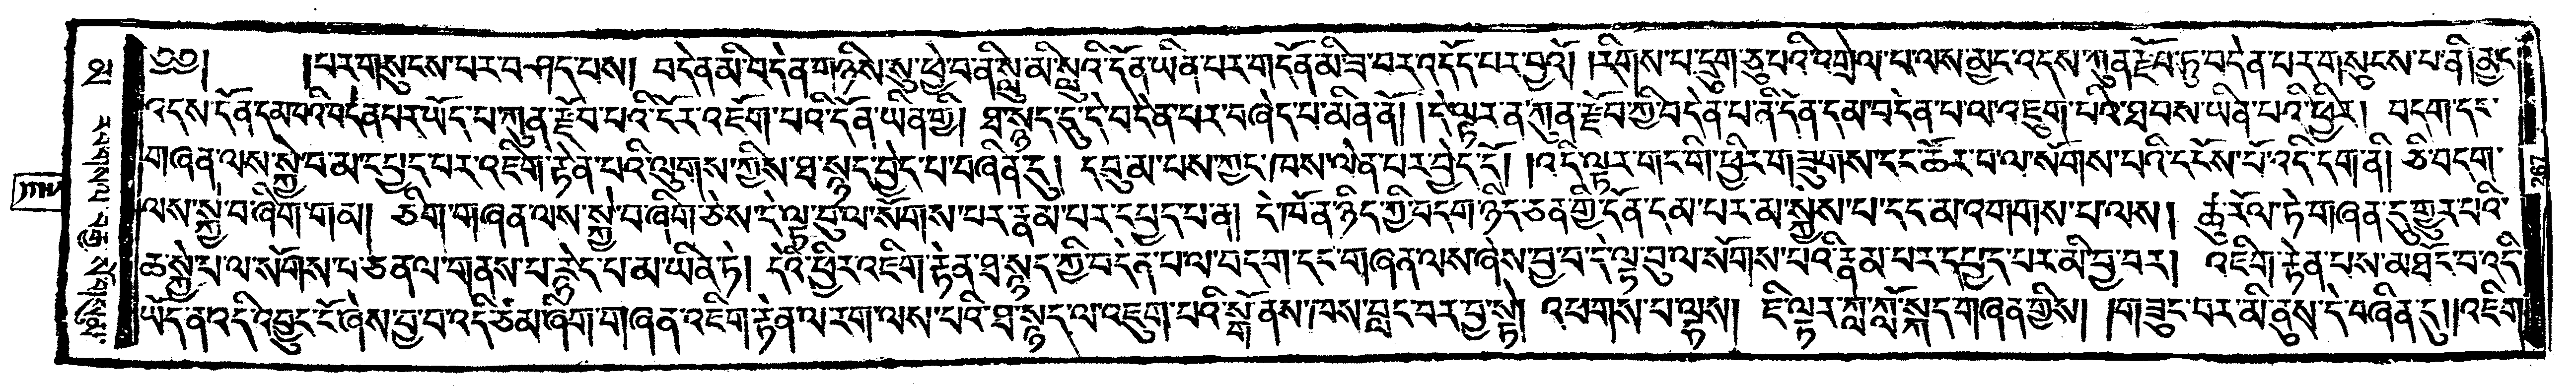པར་གསུངས་པར་བཤད་པས། བདེན་མི་བདེན་གཉིས་སུ་ཕྱེ་བ་ནི་སླུ་མི་སླུའི་དོན་ཡིན་པར་གདོན་མི་ཟ་བར་འདོད་པར་བྱའོ། །རིགས་པ་དྲུག་ཅུ་པའི་འགྲེལ་པ་ལས་མྱང་འདས་ཀུན་རྫོབ་ཏུ་བདེན་པར་གསུངས་པ་ནི། མྱང་
འདས་དོན་དམ་པའི་བདེན་པར་ཡོད་པ་ཀུན་རྫོབ་པའི་ངོར་འཇོག་པའི་དོན་ཡིན་གྱི། ཐ་སྙད་དུ་དེ་བདེན་པར་བཞེད་པ་མིན་ནོ། །དེ་ལྟར་ན་ཀུན་རྫོབ་ཀྱི་བདེན་པ་ནི་དོན་དམ་བདེན་པ་ལ་འཇུག་པའི་ཐབས་ཡིན་པའི་ཕྱིར། བདག་དང་
གཞན་ལས་སྐྱེ་བ་མ་དཔྱད་པར་འཇིག་རྟེན་པའི་ལུགས་ཀྱིས་ཐ་སྙད་བྱེད་པ་བཞིན་དུ། དབུ་མ་པས་ཀྱང་ཁས་ལེན་པར་བྱེད་དོ། །འདི་ལྟར་གང་གི་ཕྱིར་གཟུགས་དང་ཚོར་བ་ལ་སོགས་པའི་དངོས་པོ་འདི་དག་ནི། ཅི་བདག་
ལས་སྐྱེ་བ་ཞིག་གམ། ཅིག་གཞན་ལས་སྐྱེ་བ་ཞིག་ཅེས་དེ་ལྟ་བུ་ལ་སོགས་པར་རྣམ་པར་དཔྱད་པ་ན། དེ་ཁོ་ན་ཉིད་ཀྱི་བདག་ཉིད་ཅན་གྱི་དོན་དམ་པར་མ་སྐྱེས་པ་དང་མ་འགགས་པ་ལས། ཚུ་རོལ་ཏེ་གཞན་དུ་གྱུར་པའི་
ཆ་སྐྱེ་བ་ལ་སོགས་པ་ཅན་ལ་གནས་པ་རྙེད་པ་མ་ཡིན་ཏེ། དེའི་ཕྱིར་འཇིག་རྟེན་ཐ་སྙད་ཀྱི་བདེན་པ་ལ་བདག་དང་གཞན་ལས་ཞེས་བྱ་བ་དེ་ལྟ་བུ་ལ་སོགས་པའི་རྣམ་པར་དཔྱད་པར་མི་བྱ་བར། འཇིག་རྟེན་པས་མཐོང་བ་འདི་
ཡོད་ན་འདི་འབྱུང་ངོ་ཞེས་བྱ་བ་འདི་ཙམ་ཞིག་གཞན་འཇིག་རྟེན་ལ་རག་ལས་པའི་ཐ་སྙད་ལ་འཇུག་པའི་སྒོ་ནས་ཁས་བླང་བར་བྱ་སྟེ། འཕགས་པ་ལྷས། ཇི་ལྟར་ཀླ་ཀློ་སྐད་གཞན་གྱིས། །གཟུང་བར་མི་ནུས་དེ་བཞིན་དུ། །འཇིག་